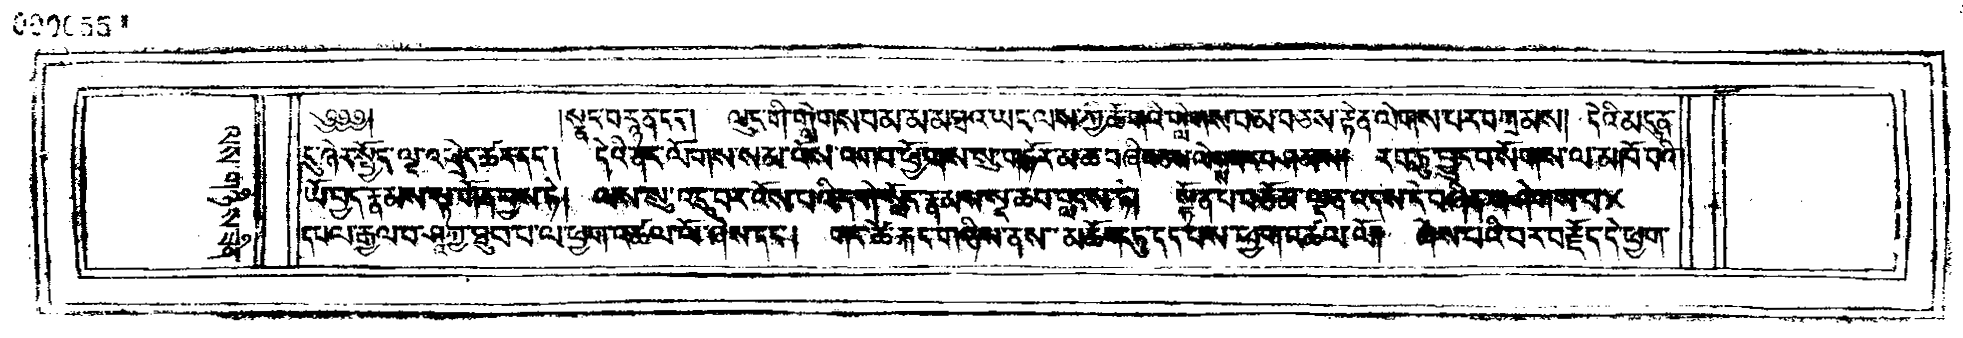༄༅༅། །སྣང་བརྙན་དང་། ལུང་གི་གླེགས་བམ་མ་མཐའ་ཡང་ལས་ཀྱི་ཆོ་གའི་གླེགས་བམ་བཅས་རྟེན་ལེགས་པར་བཀྲམས། དེའི་མདུན་
དུ་ཉེར་སྤྱོད་ལྔ་འཕྲེང་ཚར་དང་། དེའི་ནང་ལོགས་སམ་འོས་འགབ་ཕྱོགས་སུ་གཏོར་མ་ཆ་བཞི་བཅས་ལེགས་པར་བཤམས། རབ་ཏུ་བྱུང་བ་སོགས་ལ་མཁོ་བའི་
ཡོ་བྱད་རྣམས་སྟ་གོན་བྱས་ཏེ། ལས་སུ་འདུ་བར་འོས་པའི་དགེ་སློང་རྣམས་སྔ་ཆབ་བླངས་ཏེ། སྟོན་པ་བཅོམ་ལྡན་འདས་དེ་བཞིན་གཤེགས་པ྾་
དཔལ་རྒྱལ་བ་ཤཱཀྱ་ཐུབ་པ་ལ་ཕྱག་འཚལ་ལོ་ཞེས་དང་། གང་ཚེ་རྐང་གཉིས་ནས་མཆོག་ཏུ་དད་པས་ཕྱག་འཚལ་ལོ། ཞེས་པའི་བར་བརྗོད་དེ་ཕྱག་